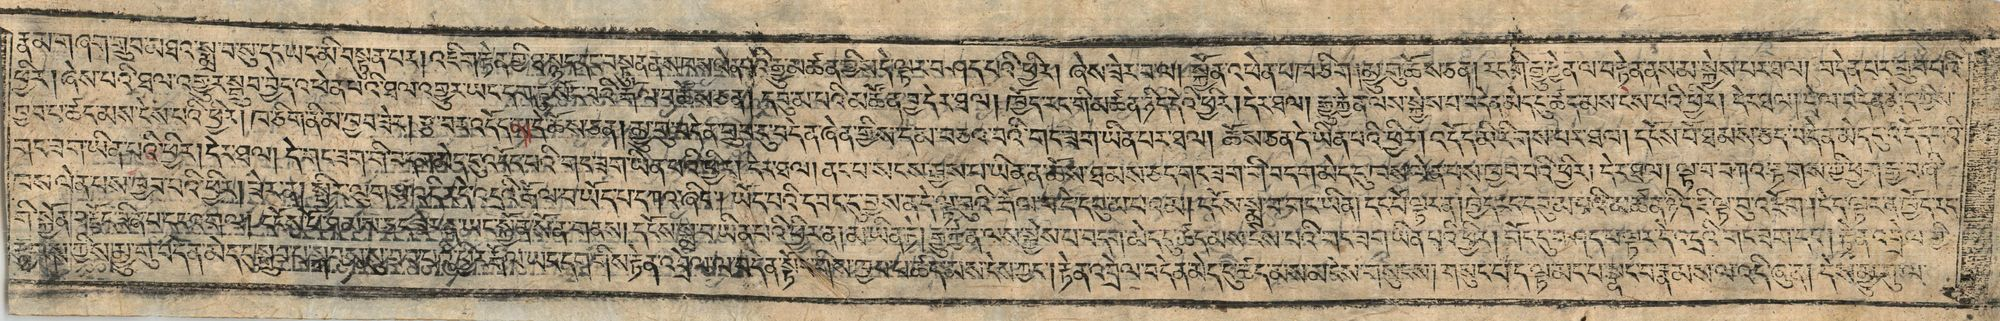རྣམ་གཞག་གྲུབ་མཐའ་སྨྲ་བ་སུ་དང་ཡང་མི་བསྟན་པར། འཇིག་རྟེན་གྱི་ཐ་སྙད་དང་བསྟན་ནས་ཁས་ལེན་པའི་རྒྱུ་མཚན་གྱིས་དེ་ལྟར་བཤད་པའི་ཕྱིར། ཞེས་ཟེར་བ་ལ། སྐྱོན་འཕེན་པ་ཁ་ཅིག །མྱུ་གུ་ཆོས་ཅན། རང་གི་རྒྱུ་རྐྱེན་ལ་བརྟེན་ནས་མ་སྐྱེས་པར་ཐལ། བདེན་པར་གྲུབ་པའི་
ཕྱིར། ཞེས་པའི་ཐལ་འགྱུར་སྒྲུབ་བྱེད་འཕེན་པའི་ཐལ་འགྱུར་ཡང་དག་ཏུ་སོང་བའི་རྒོལ་བ་ཆོས་ཅན། དབུ་མ་པའི་མཚོན་བྱ་དེར་ཐལ། ཁྱོད་རང་གི་མཚན་ཉིད་དེའི་ཕྱིར། དེར་ཐལ། རྒྱུ་རྐྱེན་ལས་སྐྱེས་པ་བདེན་མེད་དུ་ཚད་མས་ངེས་པའི་ཕྱིར། དེར་ཐལ། དེ་ལ་བདེན་མེད་ཀྱིས་
ཁྱབ་པ་ཚད་མས་ངེས་པའི་ཕྱིར། ཁ་ཅིག་ནི་མ་ཁྱབ་ཟེར། རྩ་བར་འདོད་ན། དེ་ཆོས་ཅན། མྱུ་གུ་བདེན་གྲུབ་དུ་བདེན་ཞེན་གྱིས་དམ་བཅའ་བའི་གང་ཟག་ཡིན་པར་ཐལ། ཆོས་ཅན་དེ་ཡིན་པའི་ཕྱིར། འདོད་མི་རིགས་པར་ཐལ། དངོས་པོ་ཐམས་ཅད་བདེན་མེད་དུ་འདོད་པའི་
གང་ཟག་ཡིན་པའི་ཕྱིར། དེར་ཐལ། དེ་གང་ཟག་གི་བདག་མེད་དུ་འདོད་པའི་གང་ཟག་ཡིན་པའི་ཕྱིར། དེར་ཐལ། ནང་པ་སངས་རྒྱས་པ་ཡིན་ན་ཆོས་ཐམས་ཅད་གང་ཟག་གི་བདག་མེད་དུ་ཁས་ལེན་པས་ཁྱབ་པའི་ཕྱིར། དེར་ཐལ། ལྟ་བ་བཀའ་རྟགས་ཀྱི་ཕྱག་རྒྱ་བཞི་
ཁས་ལེན་པས་ཁྱབ་པའི་ཕྱིར། ཟེར་ན། སྤྱིར་ལུགས་འདིར་དེ་འདྲའི་རྒོལ་བ་ཡོད་པ་དཀའ་ཞིང་། ཡོད་པའི་དབང་དུ་བྱས་ན་དེ་ལྟ་བུའི་རྒོལ་བ་དེ་དབུ་མ་པའམ། དངོས་སྨྲ་བ་གང་ཡིན། དང་པོ་ལྟར་ན། ཁྱེད་རང་དབུ་མ་པའི་མཚན་ཉིད་ཇི་ལྟ་བུ་འཇོག །ངེད་?་ལྟར་ན་ཁྱོད་རང་
གི་སྐྱོན་བརྗོད་ཟིན་པ་དང་འགལ། དངོས་པོ་ཐམས་ཅད་ཟེར་ན་ཡང་སྐྱོན་སོ་ན་གནས། དངོས་སྨྲ་བ་ཡིན་པའི་ཕྱིར་ན། མ་ཡིན་ཏེ། རྒྱུ་རྐྱེན་ལས་སྐྱེས་པ་བདག་མེད་དུ་ཚད་མས་ངེས་པའི་གང་ཟག་ཡིན་པའི་ཕྱིར། གོང་དུ་བཤད་པ་ལྟར་དེ་འདྲའི་གང་ཟག་དང་། རྟེན་འབྲེལ་གྱི་
རྟགས་ཀྱིས་མྱུ་གུ་བདེན་མེད་དུ་སྒྲུབ་པ་སྐབས་སུ་བབ་པའི་ཕྱིར་རྒོལ་ཡང་དག་གིས་རྟེན་འབྲེལ་ལ་བདེན་སྟོང་གིས་ཁྱབ་པ་ཚད་མས་ངེས་ཀྱང་། རྟེན་འབྲེལ་བདེན་མེད་དུ་ཚད་མས་མ་ངེས་གསུངས། གསུང་པ་དེ་ལྟ་མེད་པ་སྣང་བ་རྣམས་ལ་འདི་ཞུན། དེས་མྱུ་གུ་ལ་